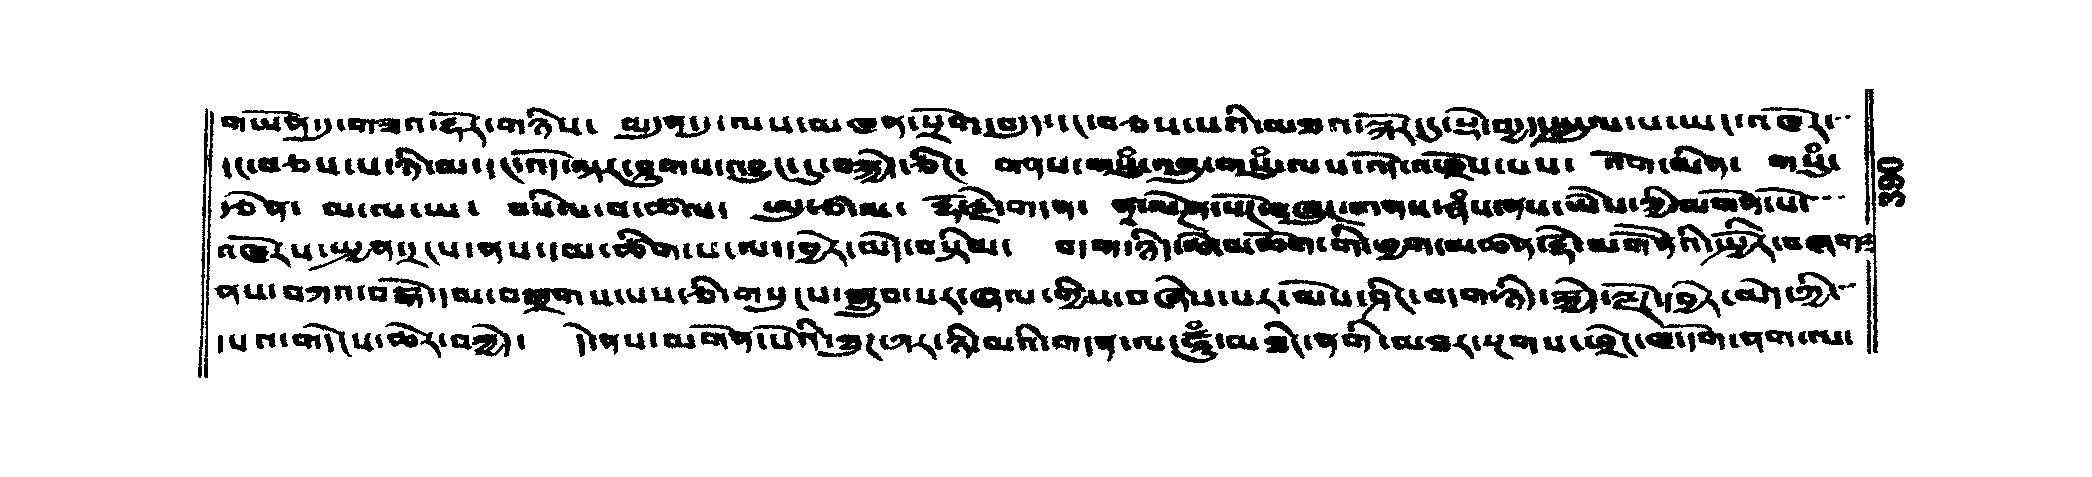གཡོན་དུ་གཟའ་རྡོར་གཉིས། མདུན་དུ་ལས་མཁན་སྲོག་བདུད་དང་བཅས་པའི་མཐའ་་སྐོར་དུ་སྡེ་བརྒྱད་སྤྲུལ་པ་ཡང་འཁོར་
དང་བཅས་པ་ཉི་མ་དང་འོད་ལྟར་ཤུགས་འབྱུང་དུ་བསྐྱེདཅིང་། གནས་གསུམ་འབྲུ་གསུམ་ལས་འོད་འཕྲོས་པས། འོག་མིན། གསུམ་
རྩེན། མ་ལ་ཡ། བསིལ་བ་ཚལ། ཨུ་ཙ་མ། རྡོ་རྗེ་གདན། ནཱ་ལེནྜ་སོགས་བཞུགས་གནས་རྣམས་ནས་ཡེ་ཤེས་ཀྱི་མགོན་པོ་
འཁོར་བཅས་སྤྱན་དྲངས་ནས་དམ་ཚིག་པ་ལ་དབྱེར་མེད་བསྟིམ། བདག་ཉིད་ཆེ་མཆོག་གི་ཕྱག་མཚན་རྡོ་རྗེ་མགོན་པོའི་སྤྱི་བོར་བཞག་
ནས་བཀའ་བསྒོ་དམ་བསྒྲགས་པས་ཅི་གསུང་སྒྲུབ་པར་ཞལ་གྱིས་བཞེས་པར་མོས་ཤིང་བདག་ཉིད་བསྐྱེད་རྫོགས་དབྱེར་མེད་ཀྱི་
དཔའ་གདེངས་ཆེར་བསྐྱེད། དེ་ནས་མགོན་པོའི་ཐུགས་ཀར་ཉི་མའི་གདན་ལ་ཧཱུྂ་མཐིང་ནག་གི་མཐར་སྔགས་ཕྲེང་ཁ་དོག་ནག་ལ་